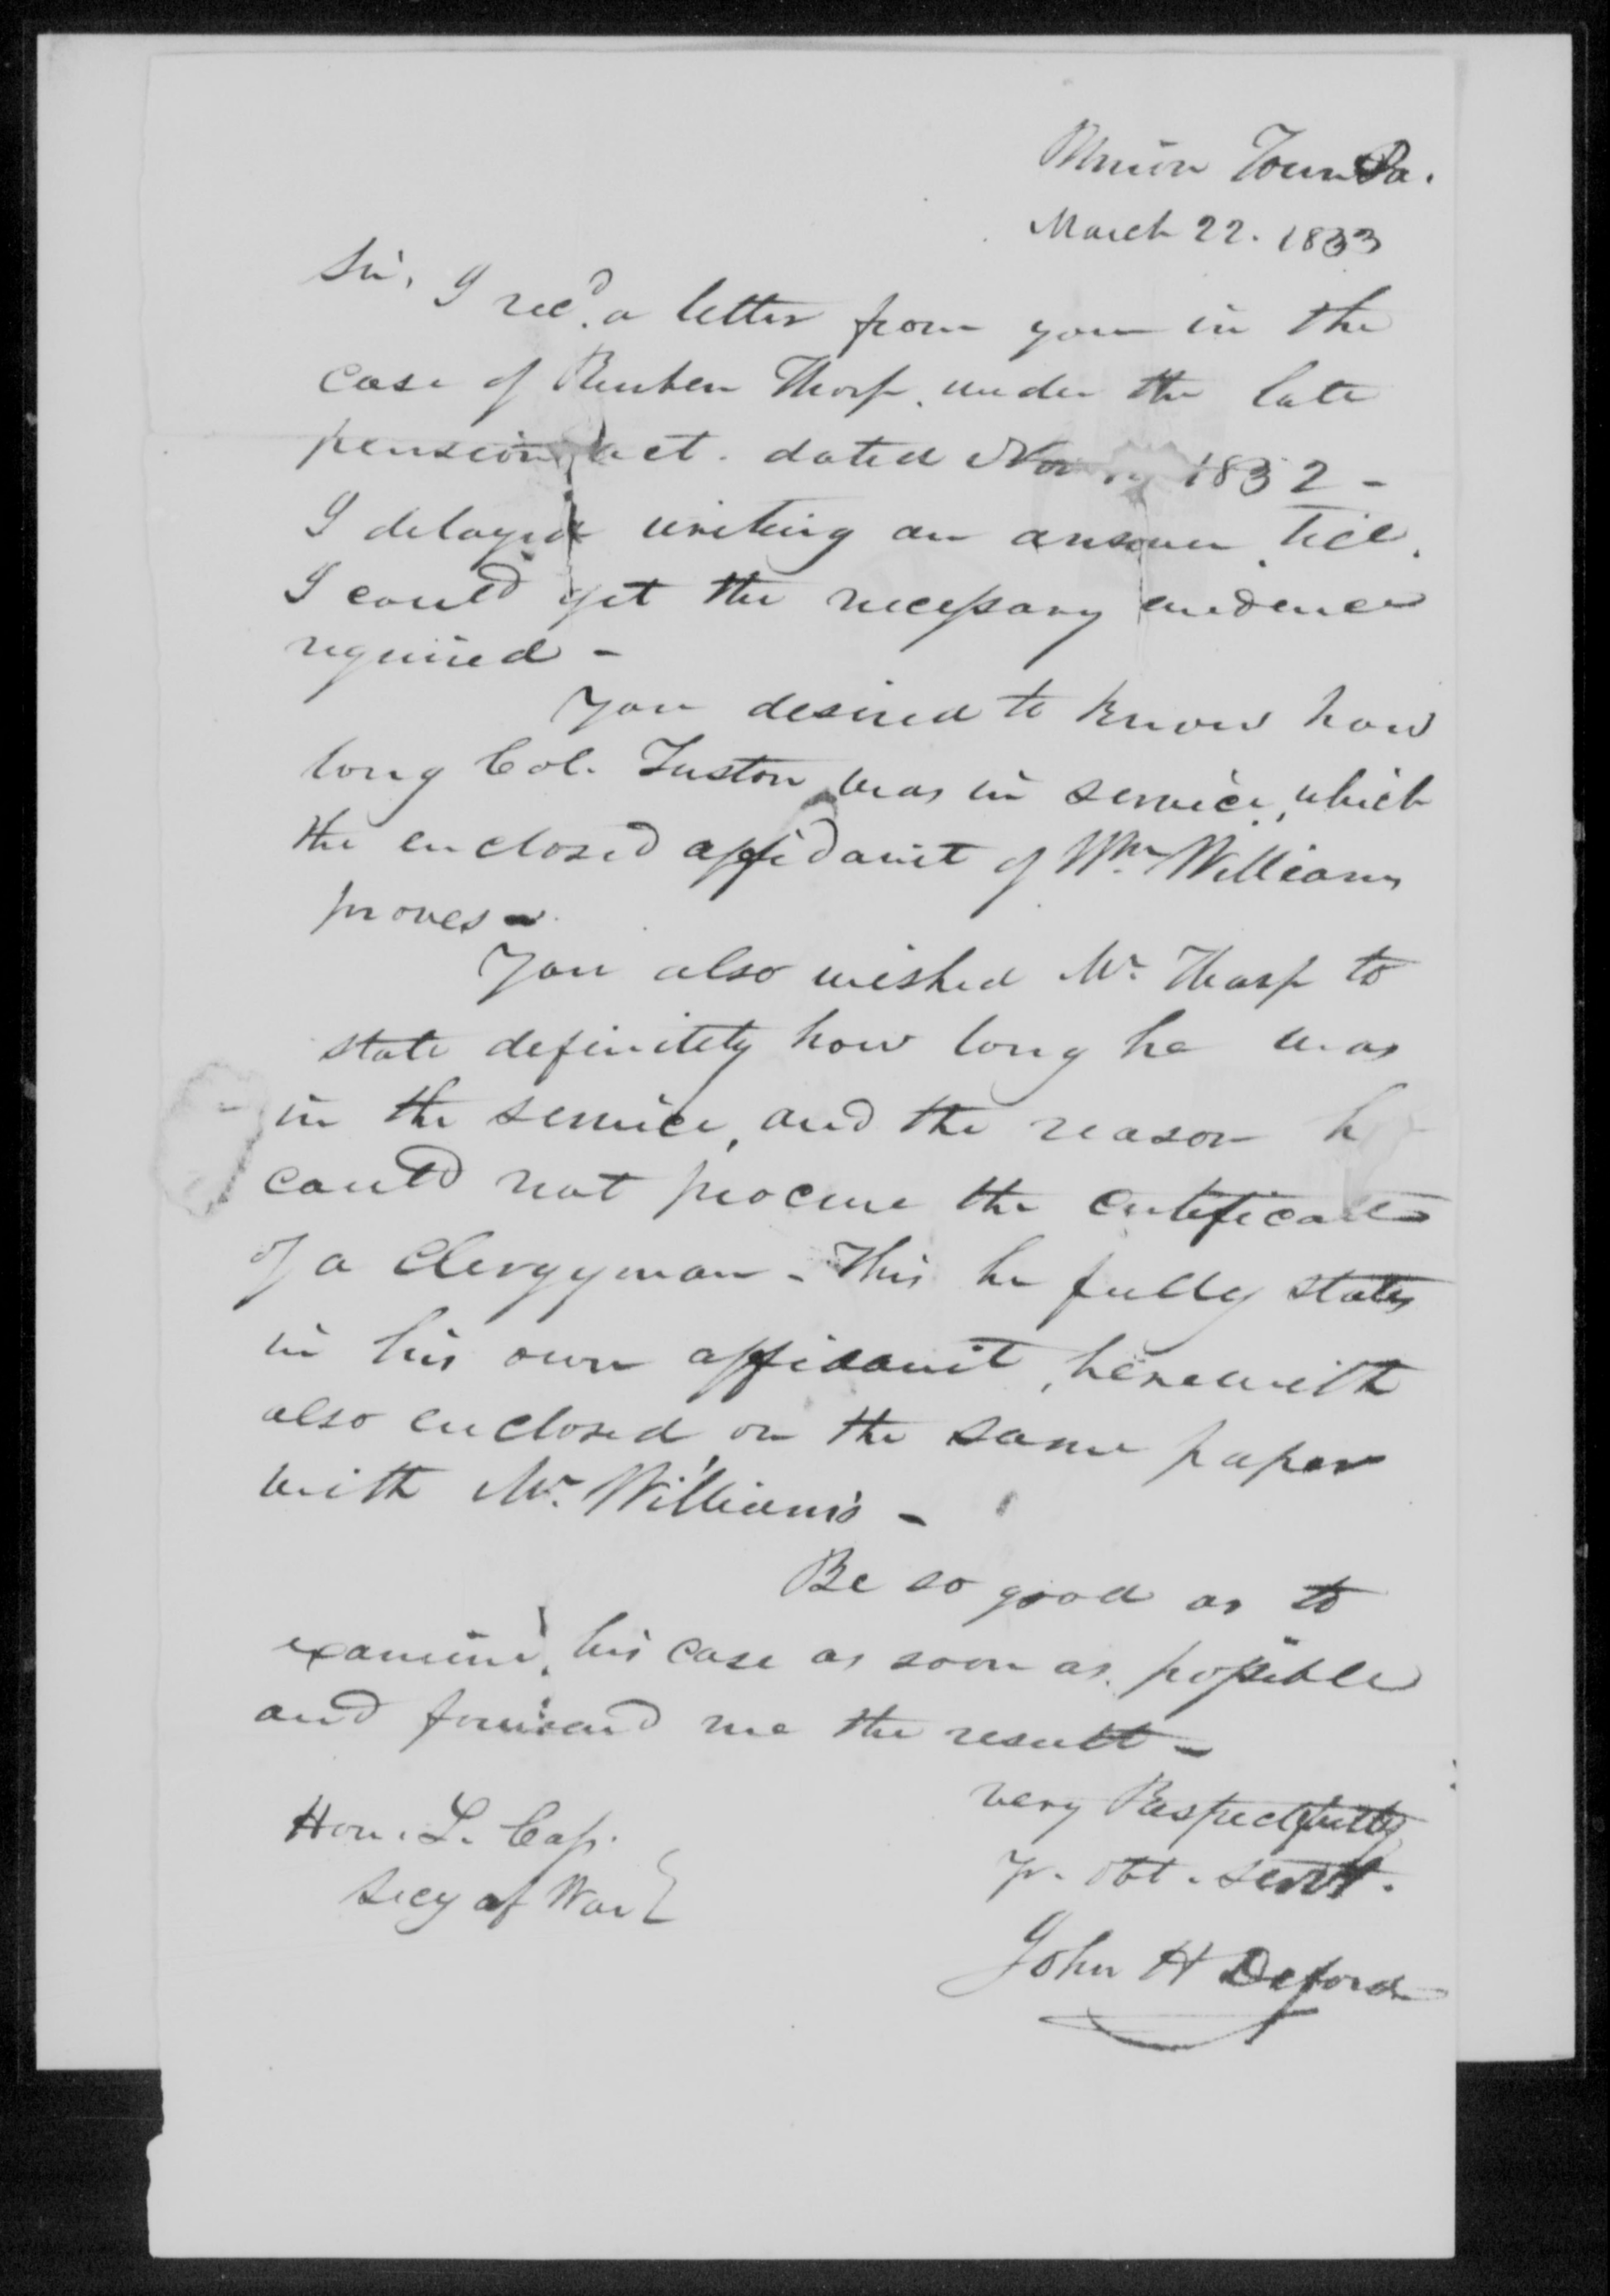Union Town Pa.
March 22. 1833

I recd a letter from you in the case of Reuben Thorp under the late pension act dated Nov 1832-  I delayed writing an answer till I could get the necessary evidence required.

You desired to know how long Col. Tuston was in service which the enclosed affidavit of Wm Williams proves.

You also wished Mr Thorp to State definitely how long he was in the service and the reason he could not procure the certificate of a Clergyman. This he fully states in his own affidavit herewith also enclosed on the same paper with Mr Williams-

Be so good as to examine his case as soon as possible and forward me the result-

Very Respectfully
Jr. Obt State.
John H Deford

Hon. L. Cass
Secy of War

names: L Cass; [BLANK] Williams; Reuben Thorp; Wm Williams; John H Deford; [BLANK] Tharp; [BLANK] Tuston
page: 18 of 28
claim: survivor's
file: S. 6229, for Reuben Thorp, New Jersey